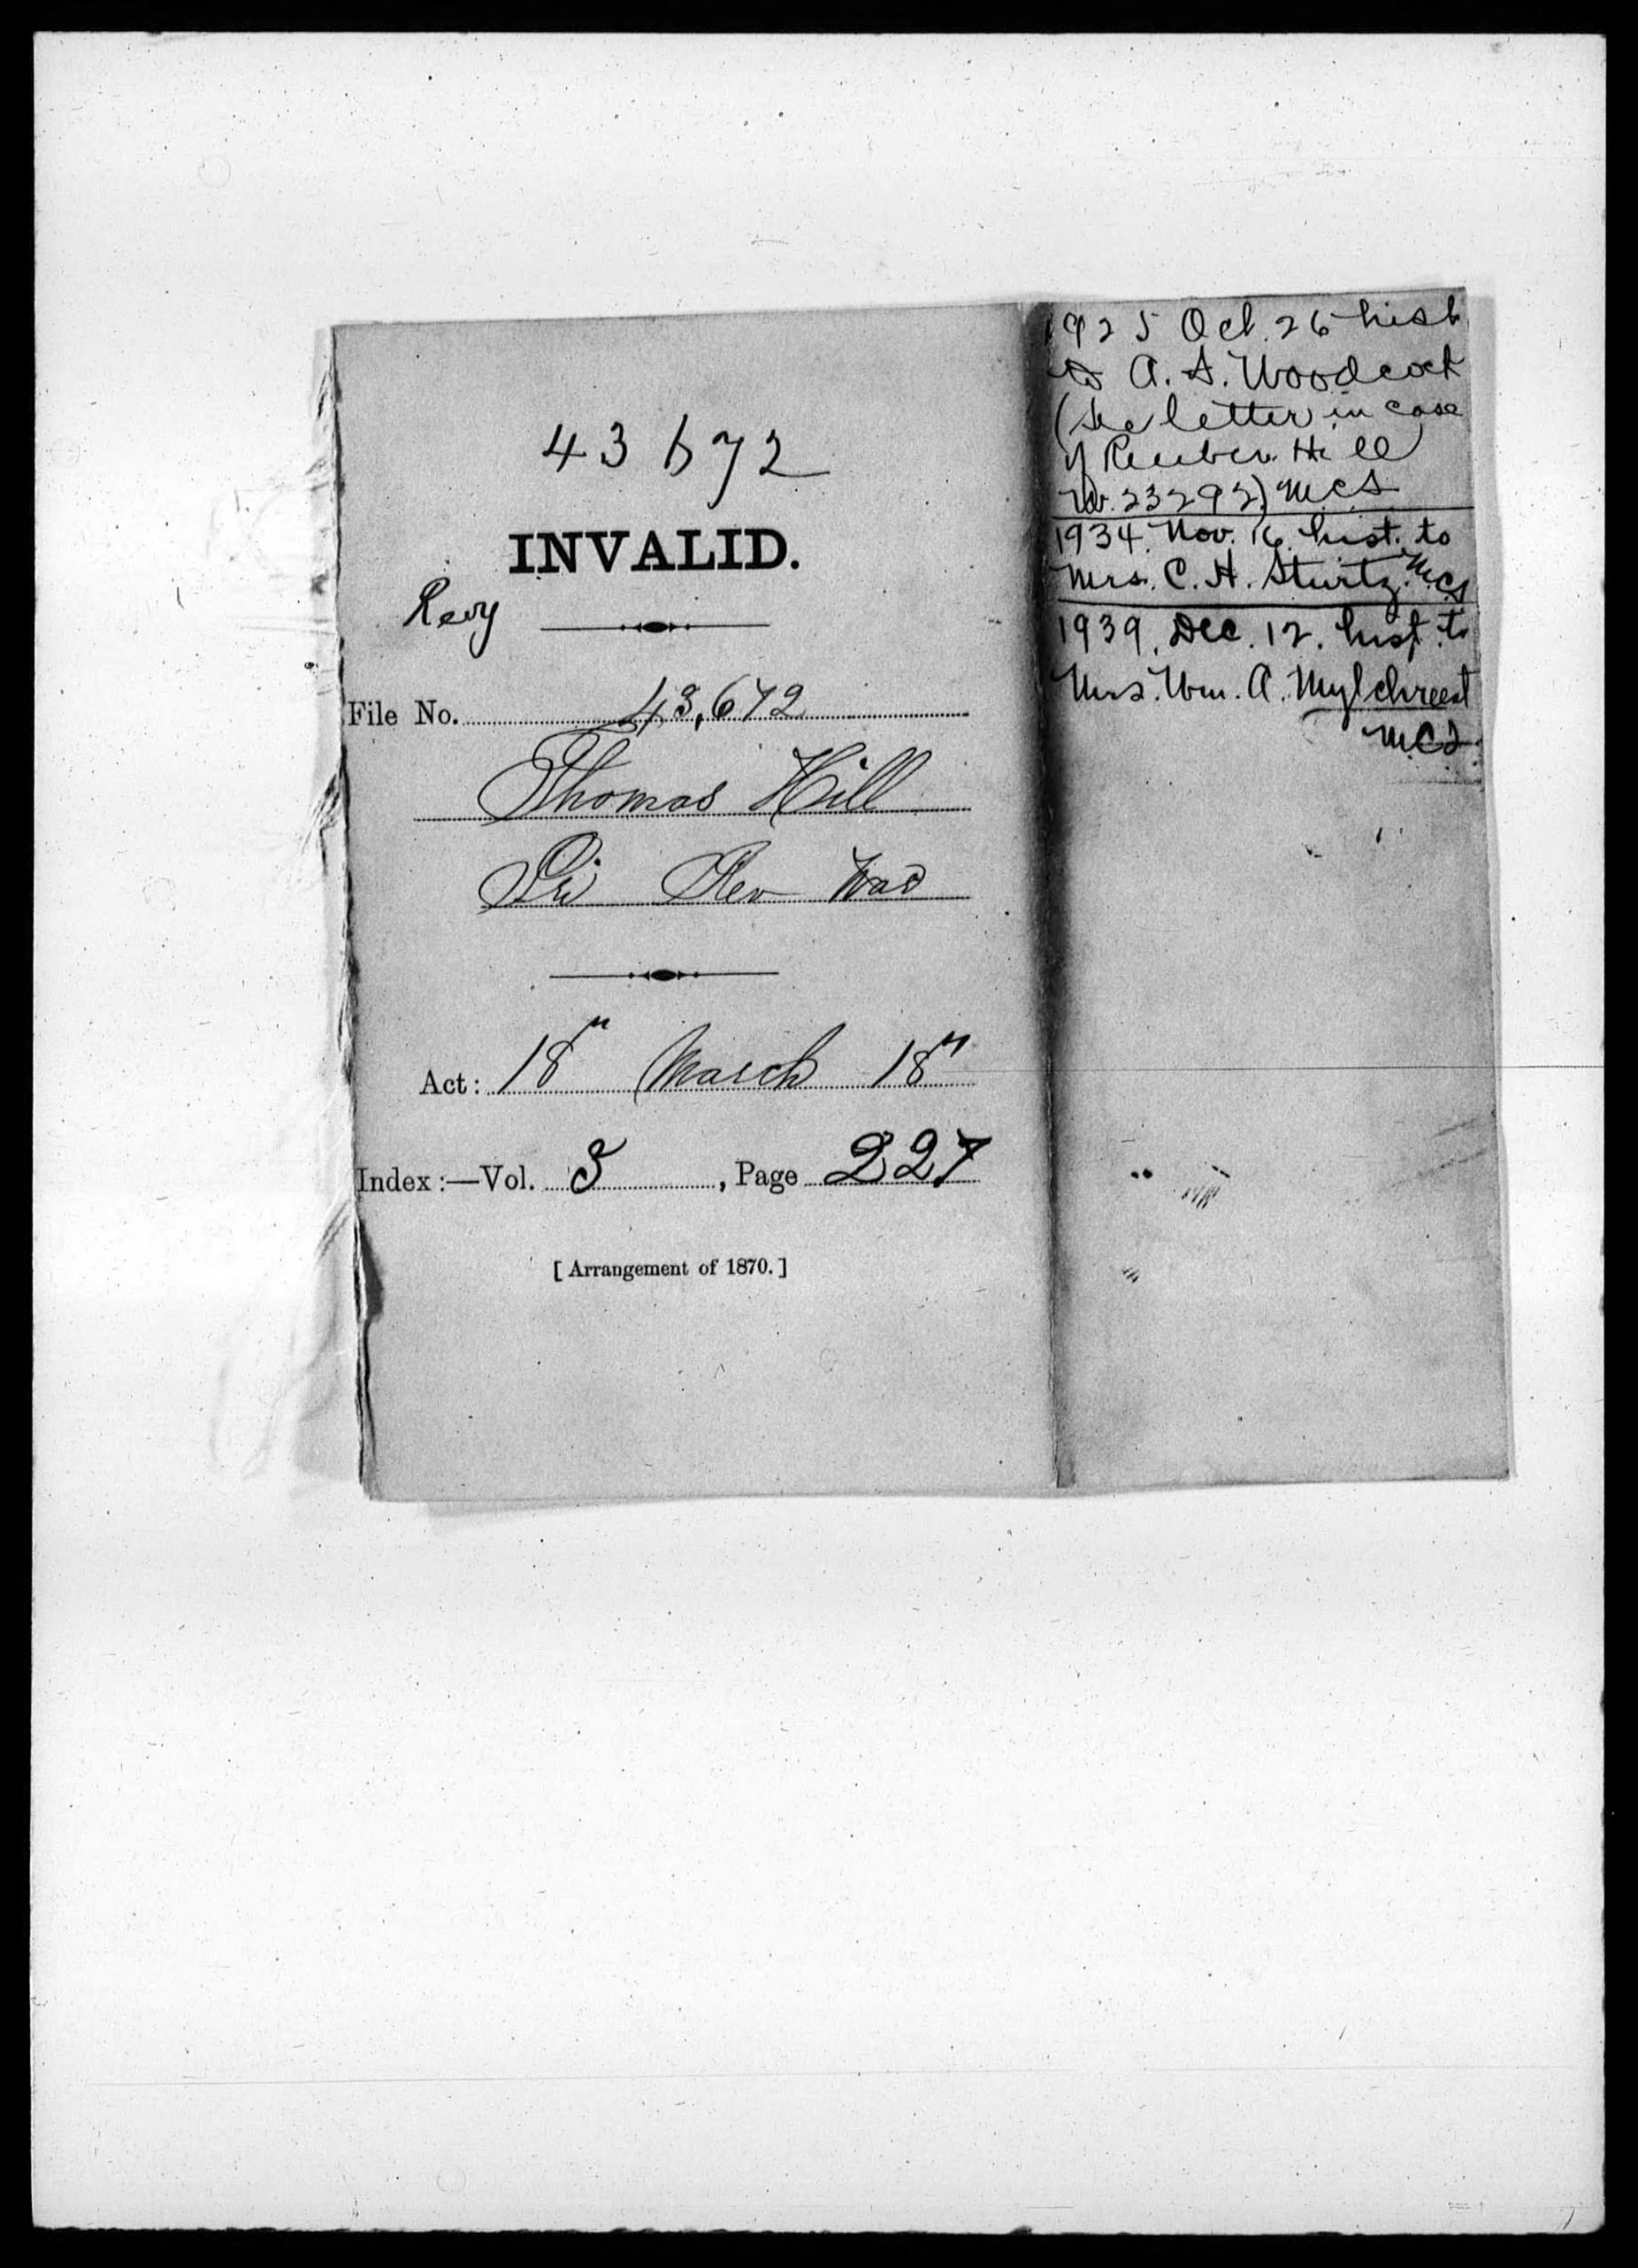[begin left]
43672

INVALID. [last word typed]

File No. [last 2 words typed] 43,672
Thomas Hill
Pri Rev War

Act: [last word typed] 18 March 18
Index:-Vol. [last 2 words typed] 5, Page [last word typed] 227

[Arrangement of 1870.] [sic; line typed;]
[end left]

[begin right]
1925 Oct. 26 hist to A.S. Woodcock (the letter in case of Reuben Hill W.23292) MCS

1934. Nov. 16. hist. to Mrs. C.H. Sturty. MCS

1939. Dec. 12. hist. to Mrs. Wm. A. Mylchreest [last word underlined]
MCS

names: Wm A Mylchreest, Thomas Hill, C H Sturtz, Reuben Hill, A S Woodcock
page: 23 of 31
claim: survivor's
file: S. 43672, Thomas Hill, New York